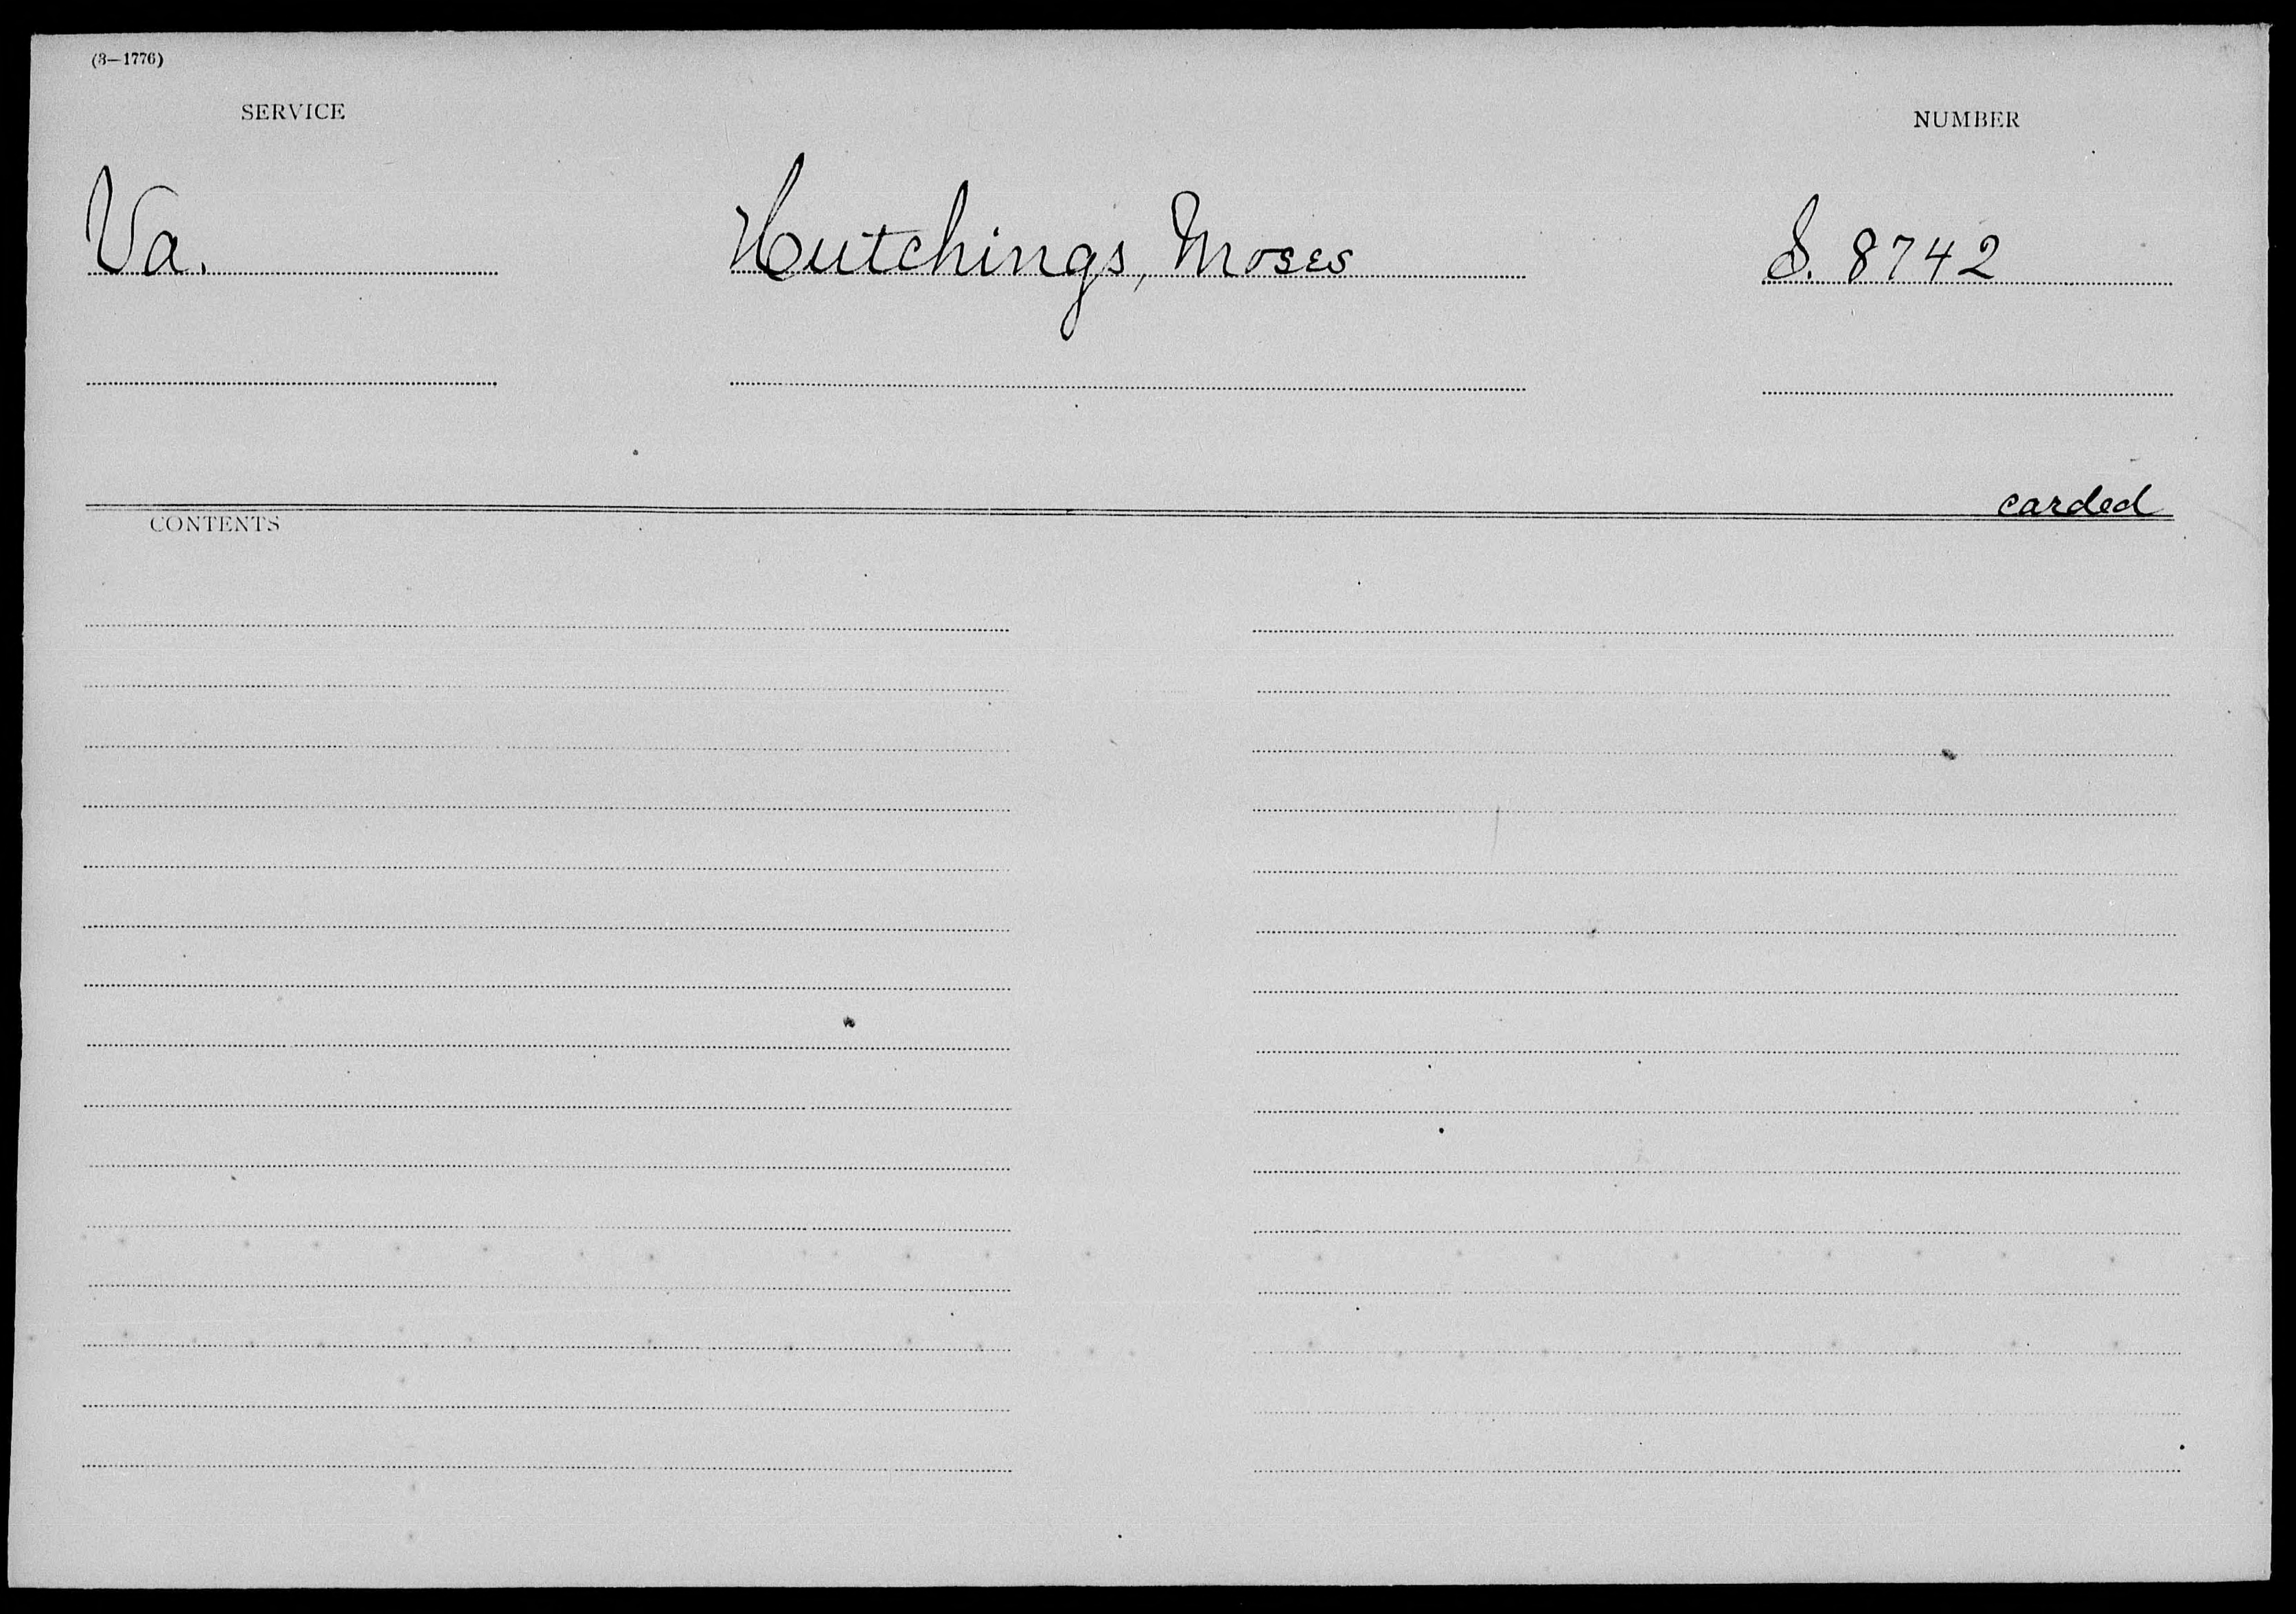[typed form, with handwritten responses]

[3-1776]

SERVICE
Va.

Hutchings, Moses

NUMBER
S.8742

carded
CONTENTS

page: 1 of 18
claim: survivor's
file: S. 8742, for Moses Hutchings, Virginia